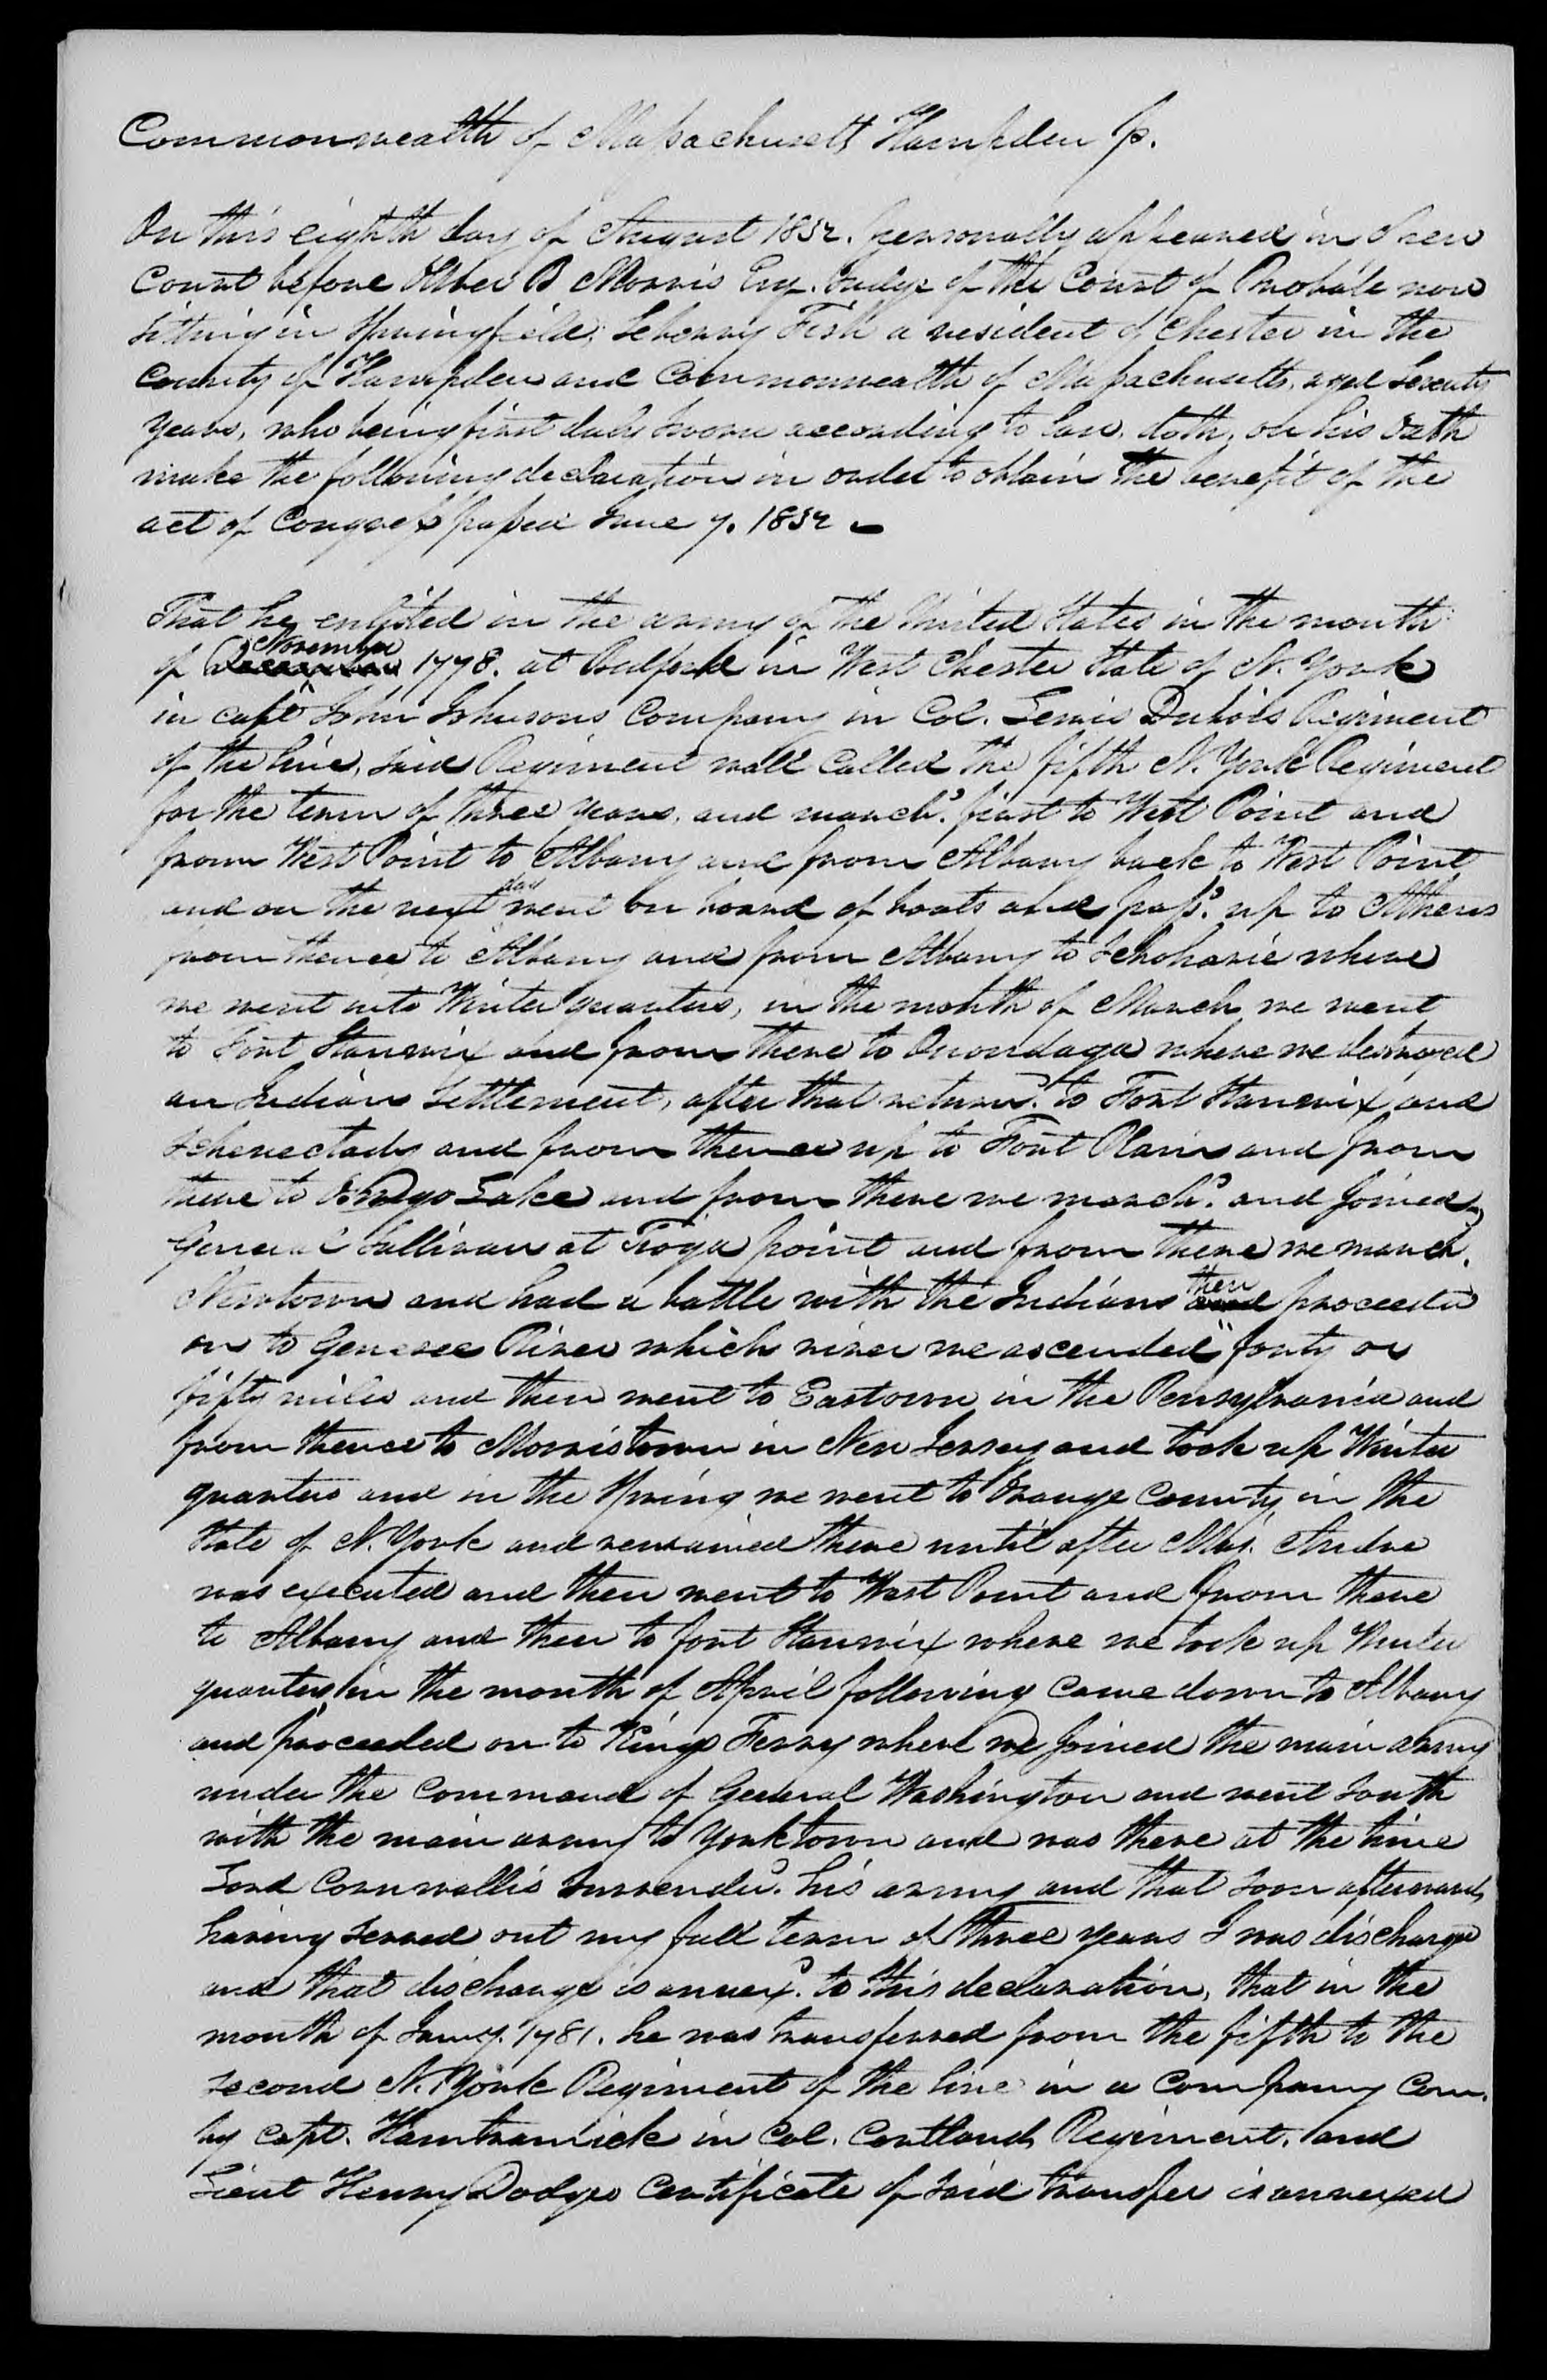Commonwealth of Massachusetts [following word is hard to read, but could be:] Hamden SS.

On this eighth day of August 1832, personally appeared in open Court before [here the following first name is hard to read, but it may be:] Absher B Morris Esq. Judge of the Court of Probate now Sitting in Springfield, Seberry [or Seberay or Leberay or Leberry] Fish a resident of Chester in the County of Hampden and Commonwealth of Massachusetts, aged Seventy Years, who being first duly Sworn according to law, doth, on his Oath, make the following declaration in order to obtain the benefit of the act of Congress passed June 7 [or 9, but looks most like 7]. 1832 __

[Occasional spacing has been included to make the long text block easier to read.]

That he enlisted in the army of the United States in the month:  of [here "December" has been crossed out, and above was written: ^] November 1778. at [?] Bedford in West Chester State of N. York  in capt John Johnsons Company in Col. Lewis Dubois Rigiment of the line, Said Regiment [here the next word is nearly illegible, but could be] wass Called the fifth N. York Regiment for the term of three years, and march'd. first to West Point and from West Point to Albany and from Albany back to West Point and on the next ^ day went on board of boats and passd. up to [illegible] from thence to Albany and from Albany to Schoharie whear [or where] we went into Winter quarters, 

in the month of March we went to Fort Stanwix and from there to Onondaga where we destroyed an Indian Settlement, after that return.d to For Stanwix and Schenectady and from thence up to Fort Plains and from there to [illegible] Lake and from thence we marchd. and Joined., General Sullivans [or Sullivan] at Tioga point and from thence we march. [?] Newtown and had a battle with the Indians [here the word "and" was crossed out, and ^ "then" written above] proceeded on to Genesses River which river we ascended "forty or fifty miles and then went to Eastown in the Pensylvania and from thence to Morristown in New Jersey and took up Winter quarters

and in the Spring we went to Orange in the State of N. York and remained there until after Maj. [illegible surname] was executed and then went to West Point and from there to Albany and then to fort Stanwix where we took up Winter quarters

in the month of April following Came down to Albany and proceeded on to Kings Ferry where we Joined the main army under the Command of General Washington and went South with the main army to Yorktown and was there at the time Lord Cornwallis Surrender.d his army 

and that Soon afterward, having Served out my full term of Three Years I was discharged and that discharge is annex.d to this declaration, that in the month of Janry. 1781, he was transferred from the fifth to the second N. York Regiment of the line in a Company Com. by capt. [here the following surname is hard to read, but it may be:] Hamtramick in Col, Coutlands [or Cortlands] Regiment, and Lieut Henry Dodges Certificate of Said transfer is annexed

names: Seberry Fish, Henry Dodge, Olther B Morris, Rinas, Cornwallis, Washington, Andrew, Hamtramick, Sullivan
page: 4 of 26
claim: survivor's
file: S. 29797, Seberry Fish, New York